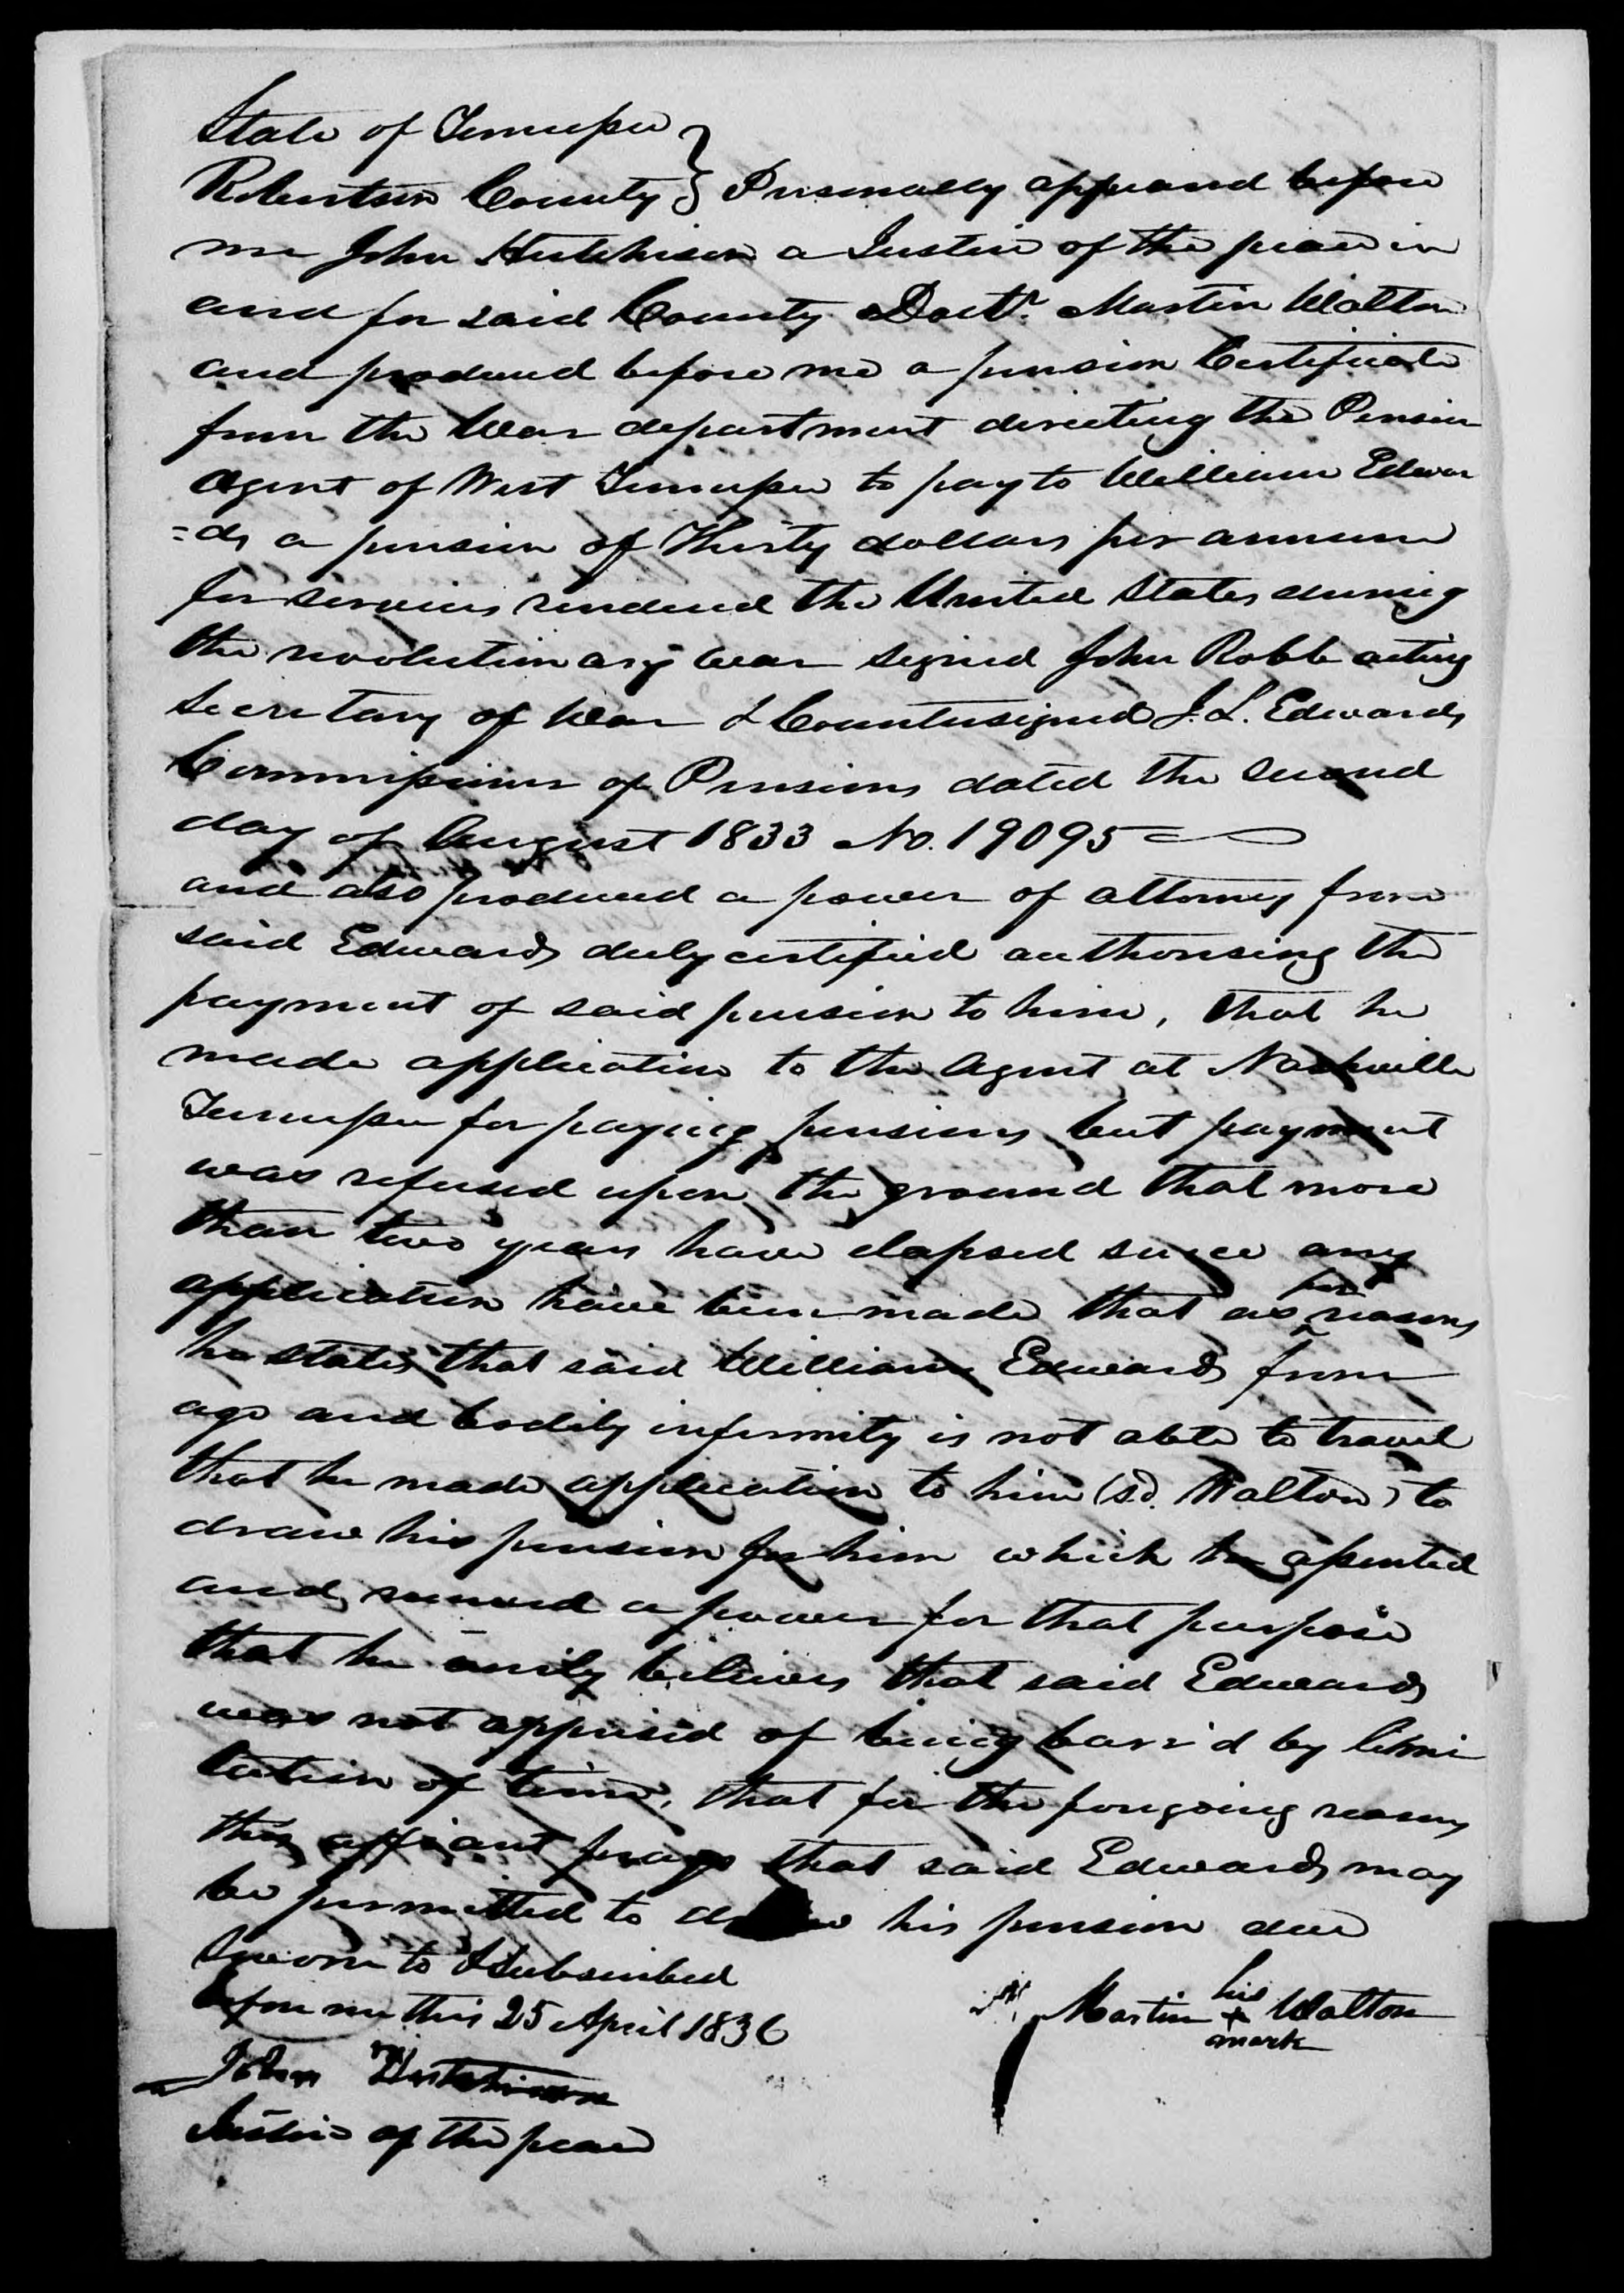State of Tennessee
Robertson County} Personally appeared before me John Hutchison a Justice of the peace in and for said County Doctr Martin Walton and produced before me a pension Certificate from the War department directing the Pension Agent of West Tennessee to pay to William Edwards a pension of Thirty dollars per annum for services rendered the United States during the revolutionary war signed John Robb acting Secretary of War & Countersigned J. L. Edwards Commissioner of Pensions dated the second day of August 1833 No. 19095 ~
and also produced a power of attorney from said Edwards duly certified authorizing the payment of said pension to him, that he made application to the Agent at Nashville Tennessee for paying pensions but payment was refused upon the ground that more than two years have elapsed since any application have been made that are for reasons he states that said William Edwards from age and bodily infirmity is not able to travel that he made application to him (sd. Walton) to draw his pension for him which he assented and received a power for that purpose that he verily believes that said Edwards was not apprised of being barr'd by limitation of time, that for the foregoing reasons this affiant prays that said Edwards may be permitted to draw his pension due
Martin Walton x his mark
Sworn to & Subscribed
before me this 25 April 1836
John Hutchison
Justice of the peace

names: J L Edwards, William Edwards, William Edwards, Martin Walton, John Hutchison, Walton, John Hutchison, Edwards, Martin Walton, Edwards, John Robb, Edwards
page: 19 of 47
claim: survivor's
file: S. 3,322, William Edwards, Va.